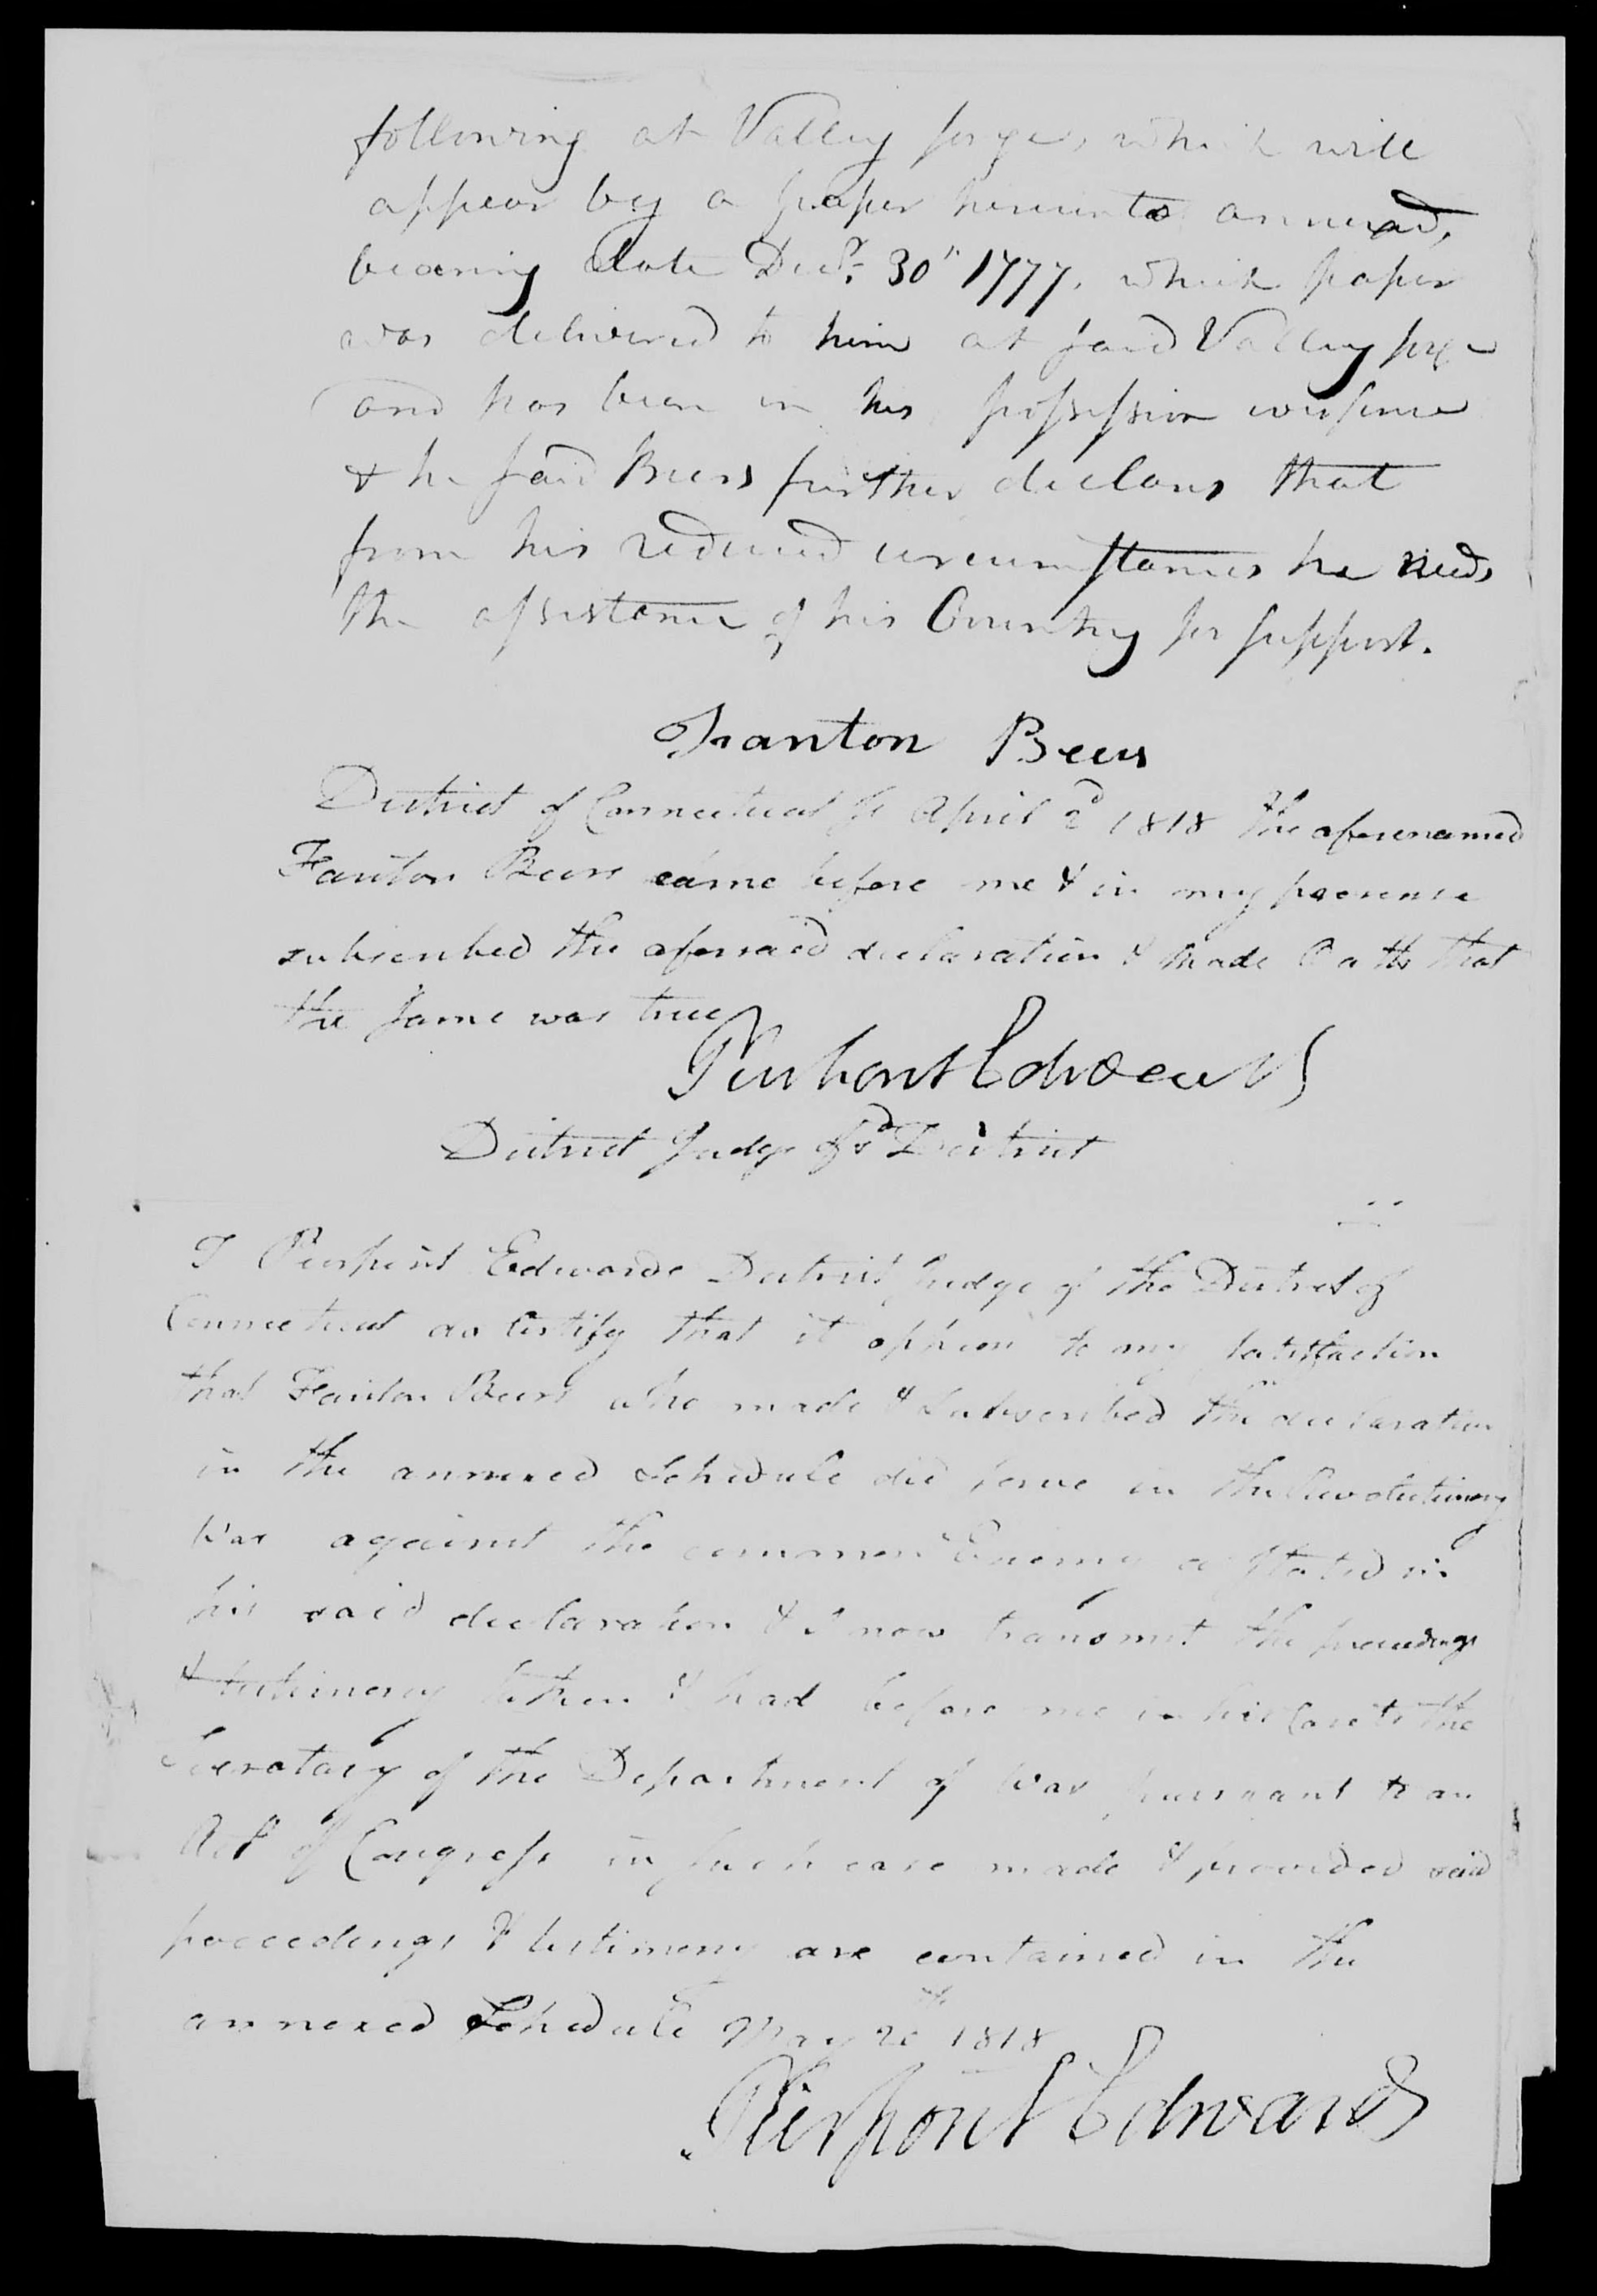following at Valley Forge, which will appear by a paper hereunto annexed, [illegible] date dec. 30, 1777. Which paper was delivered t him at said Valley Forge and has been in his possession was since & he said Beers further declares, that from his reduced circumstances he needs the assistance of his County for support. 
Franton Beers

District of Connecticut Ss April 2nd 1818 the aforesaid Fanton Beers came before me & in my presence subscribed the aforesaid declaration I made Oath that the same was true. 
 Pierpont Edwards 
District Judge of s'd District

I Pierpont Edwards, District Judge of the District of Connecticut do testify that it appears to my satisfaction that Fanton Beers who made & subscribed the declaration in the annexed schedule did serve in the Revolutionary War against the common Enemy as stated in his said declaration & I now transmit the proceedings & testimony hereto I had before me in this Courts the Secretary of the Department of War pursuant to an Act of Congress in such case made & provided said proceedings & testimony are contained in the annexed schedule  May 20th 1818 
Pierpont Edwards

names: Pierpont Edwards, Pierpont Edwards, Beers, Fanton Beers, Pierpont Edwards, Fanton Beers, Fanton Beers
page: 7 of 23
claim: survivor's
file: S. 37,750, Fanton Beers, Conn.